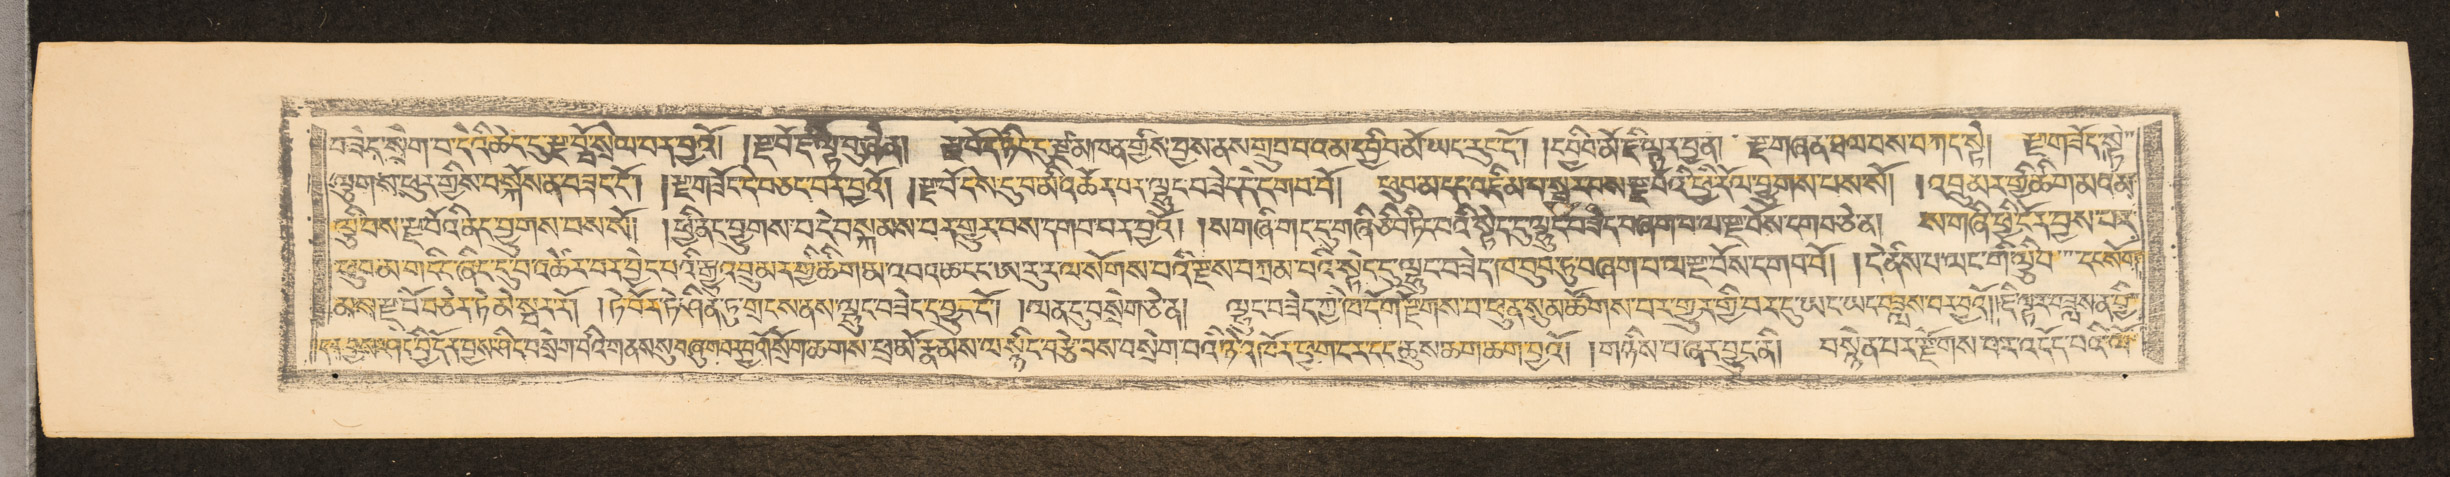བཟེད་སྲེག་པ་དེའི་ཆེད་དུ་རྫ་བོབ་སྲེལ་བར་བྱའོ། །རྫ་བོ་ཇི་ལྟ་བུ་ཞེ་ན། རྫ་བོ་དེ་ཉིད་དུ་རྫ་མཁན་གྱིས་བྱས་ནས་གྲུབ་པའམ་དབྱིབ་མོ་ཡང་རུང་ངོ། །དབྱིབ་མོ་ཇི་ལྟར་བྱ་ན། རྫ་གཞན་ཐལ་བས་བཀང་སྟེ། རྫ་གཟོང་སྟེ་
ལྕགས་ཕུར་གྱིས་བསྐོས་ན་བཟང་ངོ། །རྫ་གཟོད་དེ་བཅང་བར་བྱའོ། །རྫ་བོ་དེས་དུ་བ་མི་འཚོར་བར་ལྷུང་བཟེད་དེ་དགབ་བོ། ཕུབ་མ་དང་འཇིམ་པ་སྦྱར་བས་རྫ་བོའི་ཕྱི་རོལ་བྱུགས་པས་སོ། །འབྲུ་མར་གྱི་ཚིག་མའམ་
ལྕི་བས་རྫ་བོའི་ནང་བྱུགས་པས་སོ། །ཕྱི་ནང་བྱུགས་པ་དེ་བསྐམས་པར་གྱུར་བས་དགབ་བར་བྱའོ། །ས་གཞི་གང་དུ་གཞི་ཅི་བཏིང་བའི་སྟེང་དུ་ལྷུང་བཟེད་བཞག་པ་ལ་རྫ་བོས་དགབ་ཅེ་ན། ས་གཞི་བྱི་དོར་བྱས་བར་
ཕུབ་མ་གདིང་ཞིང་དུ་བ་འཚེར་བར་བྱེད་པའི་རྒྱུ་འབྲུ་མར་གྱི་ཚིག་མ་འབའ་ཆ་དང་ཨ་རུ་ར་ལ་སོགས་པའི་རྫས་བཀྲམ་པའི་སྟེང་དུ་ལྷུང་བཟེད་ཁ་བུབ་ཏུ་བཞག་པ་ལ་རྫ་བོས་དགབ་བོ། །དེ་ནས་བ་ལང་གི་ལྕི་བ་དང་སོག་
མས་རྫ་བོ་བཅེར་ཏེ་མེ་སྦར་རོ། །ཏེ་བོར་ཏེ་ཤིན་ཏུ་གྲངས་ནས་ལྷུང་བཟེད་དབྱུང་ངོ། །ལན་དུ་བསྲེག་ཅེ་ན། ལྷུང་བཟེད་ཀྱི་ཁ་དོག་རྫོགས་པ་ཕུན་སུམ་ཚོགས་པར་གྱུར་གྱི་བར་དུ་ཡང་ཡང་བཟླས་བར་བྱའོ། །ཇི་ལྟར་བཟླས་ན་བྱི་
དོར་བྱས་ཤིང་བྱི་དོར་བྱས་ཤིང་བསྲེག་བའི་གནས་སུ་གཞུག་བར་བྱའོ། སྲོག་ཆགས་ཕྲ་མོ་རྣམས་ལ་སྙིང་བརྩེ་བས་བསྲེག་པའི་ཉེ་འཁོར་ཕྱག་དར་དང་ཆུས་ཆག་ཆག་བྱའོ། །གཉིས་པ་ཞར་བྱུང་ནི། བསྙེན་པར་རྫོགས་པར་འདོད་པའི་ལོ་